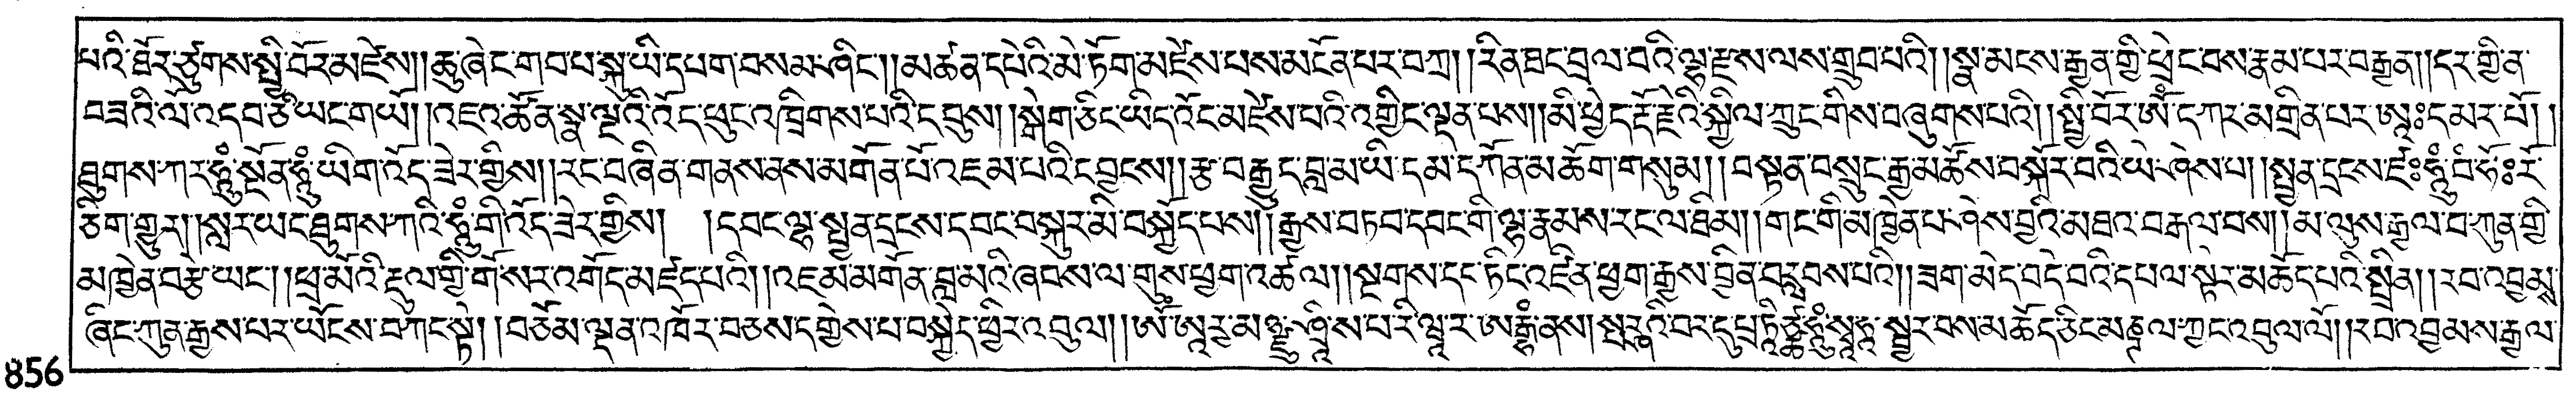པའི་ཐོར་ཙུགས་སྤྱི་བོར་མཛེས། །ཆུ་ཞེང་གབ་པ་སྐུ་ཡི་དཔག་བསམ་ཤིང་། །མཚན་དཔེའི་མེ་ཏོག་མཛེས་པས་མངོན་པར་བཀྲ། །རིན་ཐང་བྲལ་བའི་ལྷ་རྫས་ལས་གྲུབ་པའི། །སྣ་མངས་རྒྱན་གྱི་ཕྲེང་བས་རྣམ་པར་བརྒྱན། །དར་གྱི་ན་
བཟའི་ལོ་འདབ་ཅི་ཡང་གཡོ། །འཇའ་ཚོན་སྣ་ལྔའི་འོད་ཕུང་འཁྲིགས་པའི་དབུས། །སྒེག་ཅིང་ཡིད་འོང་མཛེས་པའི་འགྱིང་ལྡན་པས། །མི་ཕྱེད་རྡོ་རྗེའི་སྐྱིལ་ཀྲུང་གིས་བཞུགས་པའི། །སྤྱི་བོར་ཨོཾ་དཀར་མགྲིན་པར་ཨཱཿ དམར་པོ། །
ཐུགས་ཀར་ཧཱུཾ་སྔོན་ཧཱུཾ་ཡིག་འོད་ཟེར་གྱིས། །རང་བཞིན་གནས་ནས་མགོན་པོ་འཇམ་པའི་དབྱངས། །རྩ་བརྒྱུད་བླ་མ་ཡི་དམ་དཀོན་མཆོག་གསུམ། །བསྟན་བསྲུང་རྒྱ་མཚོས་བསྐོར་བའི་ཡེ་ཤེས་པ། །སྤྱན་དྲངས་ཛཿ ཧཱུཾ་བཾ་ཧོཿ རོ་
ཅིག་གྱུར། །སླར་ཡང་ཐུགས་ཀའི་ཧཱུཾ་གི་འོད་ཟེར་གྱིས། །དབང་ལྷ་སྤྱན་དྲངས་དབང་བསྐུར་མི་བསྐྱོད་པས། །རྒྱས་བཏབ་དབང་གི་ལྷ་རྣམས་རང་ལ་ཐིམ། །གང་གི་མཁྱེན་པ་ཤེས་བྱའི་མཐའ་བརྒལ་བས། །མ་ལུས་རྒྱལ་བ་ཀུན་གྱི་
མཁྱེན་བརྩེ་ཡང་། །ཕྲ་མོའི་རྡུལ་གྱི་གོ་སར་འགོད་མཛད་པའི། །འཇམ་མགོན་བླ་མའི་ཞབས་ལ་གུས་ཕྱག་འཚལ། །སྔགས་དང་ཏིང་འཛིན་ཕྱག་རྒྱས་བྱིན་བརླབས་པའི། །ཟག་མེད་བདེ་བའི་དཔལ་སེར་མཆོད་པའི་སྤྲིན། །རབ་འབྱམས་
ཞིང་ཀུན་རྒྱས་པར་ཡོངས་བཀང་སྟེ། །བཅོམ་ལྡན་འཁོར་བཅས་དགྱེས་པ་བསྐྱེད་ཕྱིར་འབུལ། །ཨོཾ་ཨཱརྱ་མཉྫུ་ཤྲཱི་ས་པ་རི་ཝཱ་ར་ཨརྒྷཾ་ནས། སྤར་ཤའི་བར་དུ་པྲ་ཏཱི་ཙྪ་ཧཱུཾ་སྭཱ་ཧཱ་སྦྱར་བས་མཆོད་ཅིང་མཎྜལ་ཀྱང་འབུལ་ལོ། །རབ་འབྱམས་རྒྱལ་